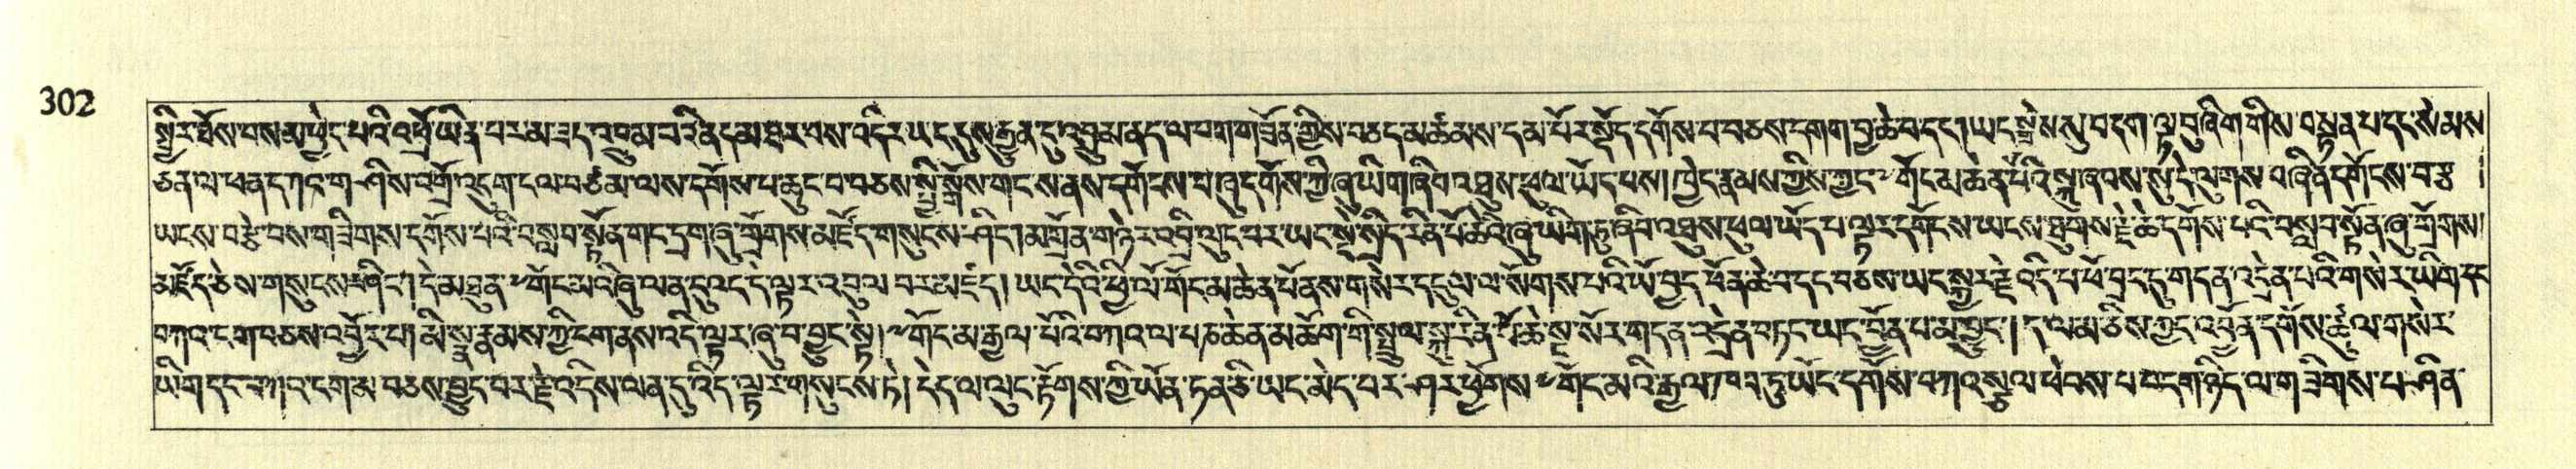སྤྱིར་ཐོས་བསམ་ཕྱེད་པའི་འཕྲོ་ཡིན་པར་མ་ཟད་འབྲུམ་པའི་ནད་མཐར་བས་འདིར་ཡང་དུས་རྒྱུན་དུ་འབྲུམ་ནད་ལ་པག་གཟོན་གྱིས་བཅད་མཚམས་དམ་པོར་སྡོད་དགོས་པ་བཅས་དགག་བྱ་ཆེ་བ་དང་། ཡང་སྒྲེས་སུ་བདག་ལྟ་བུ་ཞིག་གིས་བསྟན་པ་དང་སེམས་
ཅན་ལ་ཕན་དཀའ་གཤིས་འགྲོ་འདུག་ངལ་བཙམ་ལས་དགོས་པ་ཆུང་བ་བཅས་སྤྱི་སྒོས་གང་ས་ནས་དགོངས་པ་ཞུ་དགོས་ཀྱི་ཞུ་ཡིག་ཞིབ་འཐུས་ཕུལ་ཡོད་པས། ཁྱེད་རྣམས་ཀྱིས་ཀྱང་༧་གོང་མ་ཆེན་པོའི་སྐུ་ཞབས་སུ་དེ་ལུགས་བཞིན་དགོངས་བ་རྩ་།
ཡངས་བརྩེ་བས་གཟིགས་དགོས་པའི་བསླབ་སྟོན་གང་དྲག་ཞུ་གྲོགས་མཛོད་གསུངས་ཤིང་།མགྲོན་གཉེར་འབྲི་ལུང་པར་ཡང་སྡེ་སྲིད་རིན་པོ་ཆེའི་ཞུ་ཡིག་ཏུ་ཞིབ་འཐུས་ཕུལ་ཡོད་པ་ལྟར་དགོངས་ཡངས་ཐུགས་རྗེ་ཆེ་དགོས་པའི་བསླབ་སྟོན་ཞུ་གྲོགས།
མཛོད་ཅེས་གསུངས་ཤིང་། དེ་མཐུན་༧་གོང་མའི་ཞུ་ལན་དུའང་དེ་ལྟར་འབུལ་བར་མཛད། ཡང་དེའི་ཕྱི་ལོ་གོང་མ་ཆེན་པོ་ནས་གསེར་དངུལ་ལ་སོགས་པའི་ཡོ་བྱད་ཕོན་ཆེ་བ་དང་བཅས་ཡང་སྐྱར་རྗེ་འདི་པ་ཕོ་བྲང་དུ་གདན་འདྲེན་པའི་གསེར་ཡིག་དང་
བཀའ་ངག་བཅས་འབྱོར་པ། མི་སྣ་རྣམས་ཀྱི་ངག་ནས་འདི་ལྟར་ཞུ་བ་བྱུང་སྟེ། ༧་གོང་མ་རྒྱལ་པོའི་བཀའ་ལ་པཎ་ཆེན་མཆོག་གི་སྤྲུལ་སྐུ་རིན་པོ་ཆེ་སྔ་སོར་གདན་འདྲེན་བཏང་ཡང་བྱོན་པ་མ་བྱུང་། ད་ལ་མ་ཅིས་ཀྱང་འབྱོན་དགོས་ཚུལ་གསེར་
ཡིག་དང་བཀའ་ངག་མ་བཅས་བྱུང་བར་རྗེ་འདིས་ལན་དུ་འདི་ལྟར་གསུངས་ཏེ། དེད་ལ་ལུང་རྟོགས་ཀྱི་ཡོན་ཏན་ཅི་ཡང་མེད་པར་ཤར་ཕྱོགས་༧་གོང་མའི་རྒྱལ་ཁབ་ཏུ་ཡོང་དགོས་བཀའ་སྩལ་ཕེབས་པ་བདག་ཉིད་ལ་གཟིགས་པ་ཤིན་